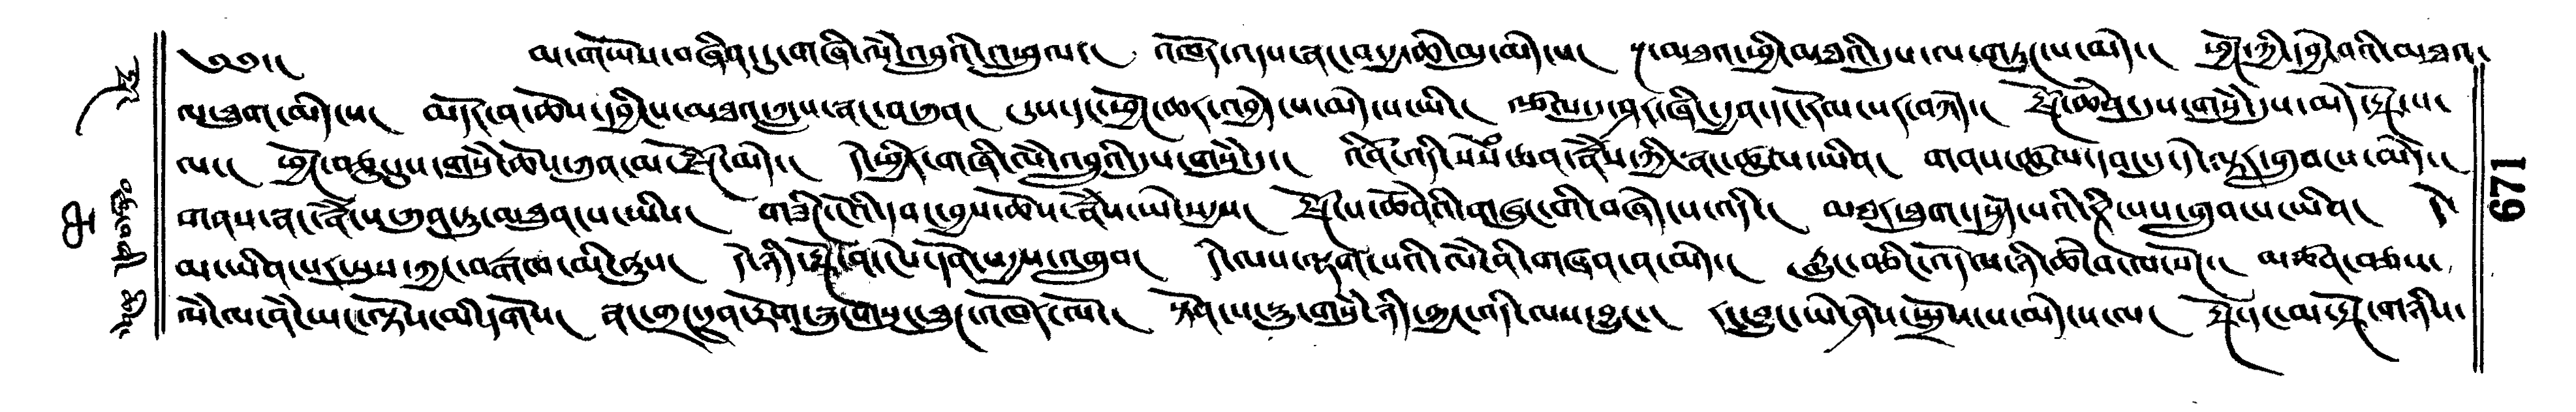།མ་གཡོས་བཞིན་དུ་གཞི་ལམ་འབྲས་བུའི་འཕྲུལ། །འཁོར་འདས་སྣང་བ་རྒྱ་ཆེ་མུ་མེད་པ། །སྔ་མཐའ་ཕྱི་མཐའི་དུས་ལ་གཏུགས་པ་མེད། །ཕྱོགས་ཀྱི་དབྱེ་བའི་མཐའ་
ལ་ཐུག་མེད་པ། །མདོར་ན་ཆོས་དབྱིངས་མཐའ་ཀླས་སྣང་བ་ཀུན། །དུས་དང་ཕྱོགས་ཆར་འབྱེད་པ་མེད་པ་ཡི། །རྩལ་དུ་ཤར་ཞིང་རྒྱན་དང་རོལ་པར་བཀོད། །རྫོགས་ཆེན་དུས་གསུམ་དུས་མེད་རྟོགས་པ་
ལ། །ཕྱོགས་བཅུ་དུས་གསུམ་ཆོས་ཀུན་མ་རྫོགས་མེད། །དེ་ཕྱིར་གཞི་ལམ་འབྲས་བུའི་དུས་གསུམ་དུ། །འཛིན་འདི་སེམས་ཅན་རྣམས་ཀྱི་སྣང་ཚུལ་ཡིན། །གནས་ཚུལ་དབང་དུ་དེ་ལྟར་གྲུབ་པ་མེད། །
གནས་སྣང་རྣམ་པ་ཀུན་ཏུ་མཐུན་པ་ཡིས། །གཟིགས་ངོའི་དབང་བྱས་ཆོས་རྣམས་ཡེ་སངས་རྒྱས། །རྫོགས་པ་ཆེན་པོའི་གཞུང་གི་བཞེད་པ་འདི། །མཐར་ཐུག་དཔྱོད་པའི་རིགས་པས་གྲུབ་པ་ཡིན། །དེ་
མ་ཡིན་པར་སུས་ཀྱང་བརྒལ་མི་ནུས། །དེ་ཉིད་རྟོགས་ན་ངེས་དོན་སངས་རྒྱས་འགྲུབ། །དེ་ལས་ལྷག་པའི་ལམ་ནི་གཞན་ན་མེད། །རླུང་བཅིངས་འོད་གསལ་ཉི་ཚེ་བ་ལ་སོགས། །མཚན་བཅས་
ལམ་ལ་ནམ་ཡང་ལྟོས་མི་དགོས། །སྣང་གྲགས་དྲན་རྟོག་སྐུ་གསུང་ཐུགས་འཁོར་ལོ། །སྟོན་པ་སྐུ་གསུམ་ཉིད་ཀྱང་འདི་ལས་བྱུང་། །རང་བྱུང་ཡེ་ཤེས་སྤྲོས་པ་མེད་པ་ལ། །རྟོགས་དང་མ་རྟོགས་གཉིས་